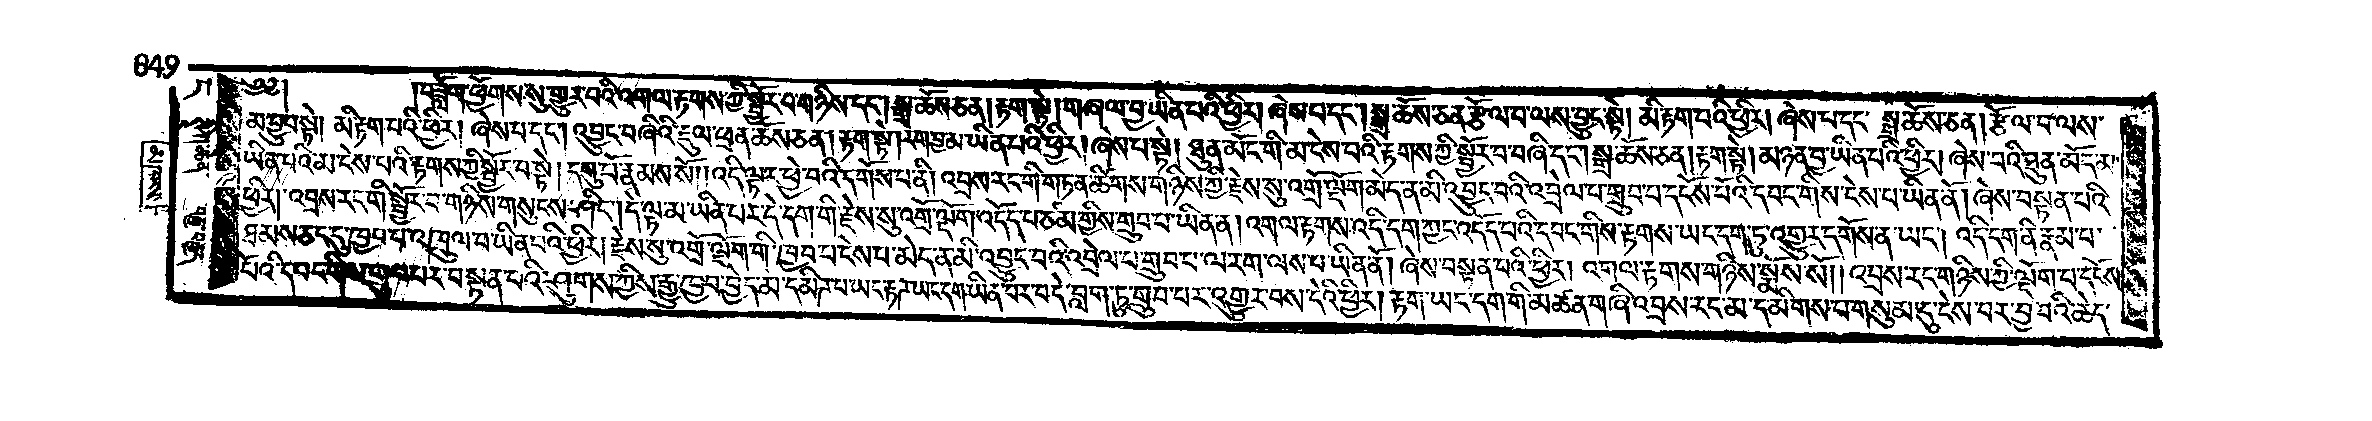༄༅། །བཟློག་ཕྱོགས་སུ་གྱུར་བའི་འགལ་རྟགས་ཀྱི་སྦྱོར་བ་གཉིས་དང་། སྒྲ་ཆོས་ཅན། རྟག་སྟེ། གཞལ་བྱ་ཡིན་པའི་ཕྱིར། ཞེས་པ་དང་། སྒྲ་ཆོས་ཅན་རྩོལ་བ་ལས་བྱུང་སྟེ། མི་རྟག་པའི་ཕྱིར། ཞེས་པ་དང་། སྒྲ་ཆོས་ཅན། རྩོལ་བ་ལས་
མ་བྱུང་སྟེ། མི་རྟག་པའི་ཕྱིར། ཞེས་པ་དང་། འབྱུང་བཞིའི་རྡུལ་ཕྲན་ཆོས་ཅན། རྟག་སྟེ། རེག་བྱ་མ་ཡིན་པའི་ཕྱིར། ཞེས་པ་སྟེ། ཐུན་མོང་གི་མ་ངེས་པའི་རྟགས་ཀྱི་སྦྱོར་བ་བཞི་དང་། སྒྲ་ཆོས་ཅན། རྟག་སྟེ། མཉན་བྱ་ཡིན་པའི་ཕྱིར། ཞེས་པའི་ཐུན་མོང་མ་
ཡིན་པའི་མ་ངེས་པའི་རྟགས་ཀྱི་སྦྱོར་བ་སྟེ། དགུ་པོ་རྣམས་སོ། །འདི་ལྟར་ཕྱེ་བའི་དགོས་པ་ནི། འབྲས་རང་གི་གཏན་ཚིགས་གཉིས་ཀྱི་རྗེས་སུ་འགྲོ་ལྡོག་མེད་ན་མི་འབྱུང་བའི་འབྲེལ་བ་གྲུབ་པ་དངོས་པོའི་དབང་གིས་ངེས་པ་ཡིན་ནོ། ཞེས་བསྟན་པའི་
ཕྱིར། འབྲས་རང་གི་སྦྱོར་བ་གཉིས་གསུངས་ཤིང་། དེ་ལྟ་མ་ཡིན་པར་དེ་དག་གི་རྗེས་སུ་འགྲོ་ལྡོག་འདོད་པ་ཙམ་གྱིས་གྲུབ་པ་ལ་རག་ལས་པ་ཡིན་ནོ། ཞེས་བསྟན་པའི་ཕྱིར། །འགལ་རྟགས་འདི་དག་ཀྱང་འདོད་པའི་དབང་གིས་རྟགས་ཡང་དག་ཏུ་འགྱུར་དགོས་ན་ཡང་། འདི་དག་ནི་རྣམ་པ་
ཐམས་ཅད་དུ་ཁྱབ་པ་འཁྲུལ་བ་ཡིན་པའི་ཕྱིར། རྗེས་སུ་འགྲོ་ལྡོག་གི་ཁྱབ་པ་ངེས་པ་མེད་ན་མི་འབྱུང་བའི་འབྲེལ་བ་གྲུབ་པ་ལ་རག་ལས་པ་ཡིན་ནོ། ཞེས་བསྟན་པའི་ཕྱིར། འགལ་རྟགས་གཉིས་སྨོས་སོ། །འབྲས་རང་གཉིས་ཀྱི་ལྡོག་པ་དངོས་
པོའི་དབང་གིས་གྲུབ་པར་བསྟན་པའི་ཤུགས་ཀྱིས་རྒྱུ་ཁྱབ་བྱེད་མ་དམིགས་པ་ཡང་རྟགས་ཡང་དག་ཡིན་པར་བདེ་བླག་ཏུ་གྲུབ་པར་འགྱུར་བས་དེའི་ཕྱིར། རྟག་ཡང་དག་གི་མཚན་གཞི་འབྲས་རང་མ་དམིགས་པ་གསུམ་དུ་ངེས་པར་བྱ་བའི་ཆེད་